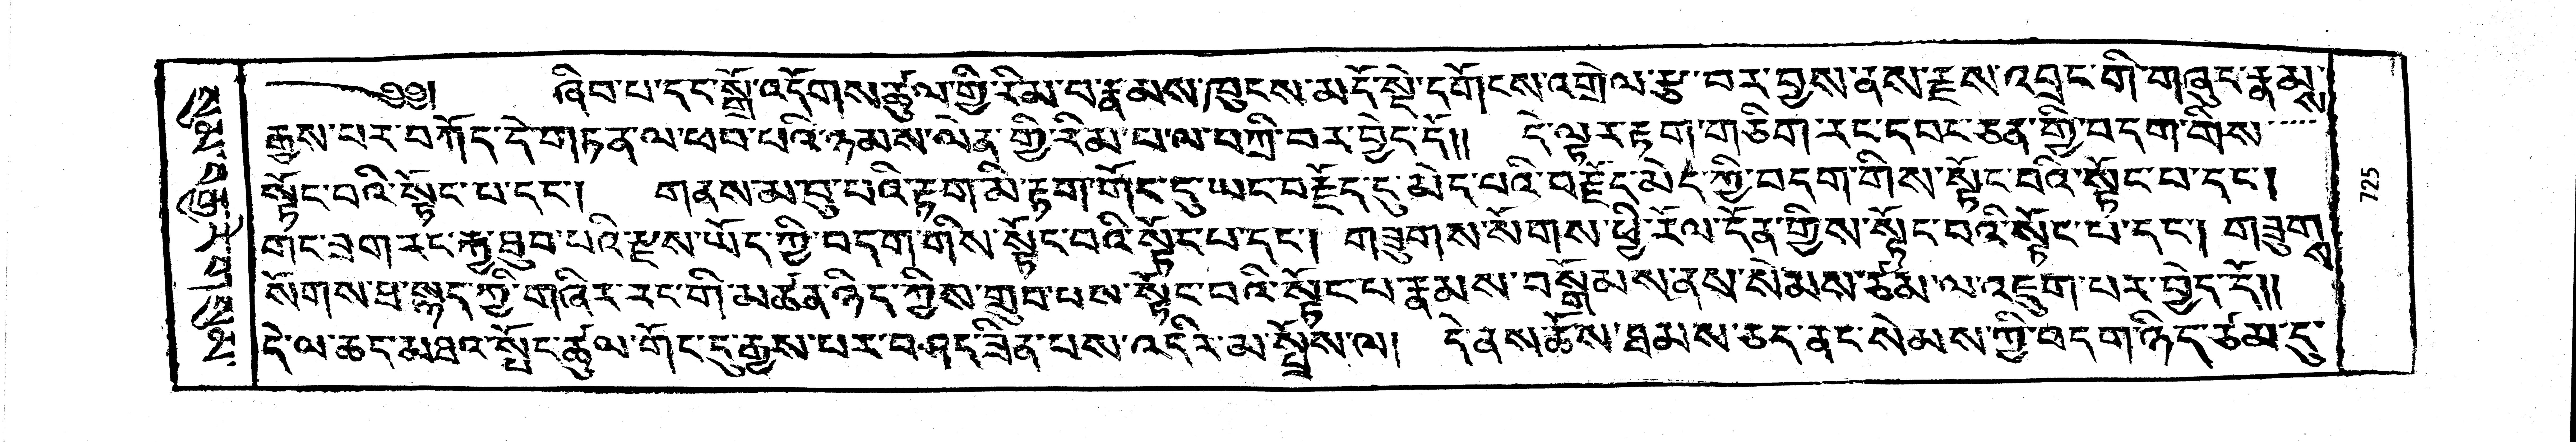༄༅། །ཞིབ་པ་དང་སྒྲོ་འདོགས་ཚུལ་གྱི་རིམ་པ་རྣམས་ཁུངས་མདོ་སྡེ་དགོངས་འགྲེལ་རྩ་བར་བྱས་ནས་རྫས་འབྲང་གི་གཞུང་རྣམས་
རྒྱས་པར་བཀོད་དེ་གཏན་ལ་ཕབ་པའི་ཉམས་ལེན་གྱི་རིམ་པ་ལ་བཀྲི་བར་བྱེད་དོ། །དེ་ལྟར་རྟག་གཅིག་རང་དབང་ཅན་གྱི་བདག་གིས་
སྟོང་བའི་སྟོང་པ་དང་། གནས་མ་བུ་བའི་རྟག་མི་རྟག་གོང་དུ་ཡང་བརྗོད་དུ་མེད་པའི་བརྗོད་མེད་ཀྱི་བདག་གིས་སྟོང་པའི་སྟོང་པ་དང་།
གང་ཟག་རང་རྐྱ་ཐུབ་པའི་རྫས་ཡོད་ཀྱི་བདག་གིས་སྟོང་པའི་སྟོང་པ་དང་། གཟུགས་སོགས་ཕྱི་རོལ་དོན་གྱིས་སྟོང་པའི་སྟོང་པ་དང་། གཟུགས་
སོགས་ཐ་སྙད་ཀྱི་གཞིར་རང་གི་མཚན་ཉིད་ཀྱིས་གྲུབ་པས་སྟོང་པའི་སྟོང་པ་རྣམས་བསྒོམས་ནས་སེམས་ཙམ་ལ་འཇུག་པར་བྱེད་དོ། །
དེ་ལ་ཆད་མཐའ་སྤོང་ཚུལ་གོང་དུ་རྒྱས་པར་བཤད་ཟིན་པས་འདིར་མ་སྤྲོས་ལ། དེ་ནས་ཆོས་ཐམས་ཅད་ནང་སེམས་ཀྱི་བདག་ཉིད་ཙམ་དུ་